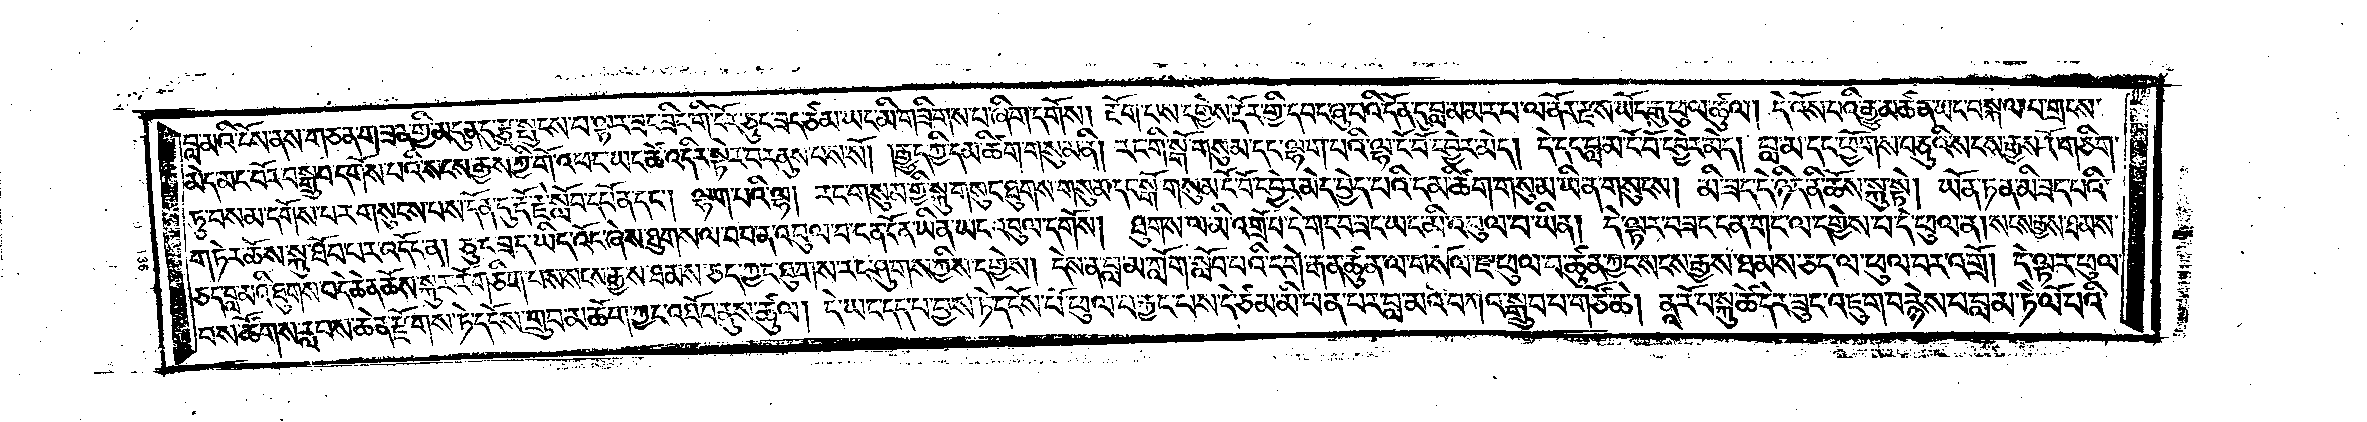བླ་མའི་ངོས་ནས་གཅན་གཟན་གྱི་མདུན་དུ་རྩྭ་སྲུངས་པ་ལྟར་ཟང་ཟིང་གི་ངོར་ཅུང་ཟད་ཙམ་ཡང་མི་གཟིགས་པ་ཞིག་དགོས། རྔོག་པས་དགྱེས་རྡོར་གྱི་དབང་ཞུ་བའི་དོན་དུ་བླ་མ་མར་པ་ལ་ནོར་རྫས་ཡོད་རྒུ་ཕུལ་ཚུལ། དེ་འོས་པའི་རྒྱུ་མཚན་ཡང་པ་སྐལ་པ་གྲངས་
མེད་མང་པོར་བསྒྲུབ་དགོས་པའི་སངས་རྒྱས་ཀྱི་གོ་འཕང་ཡང་ཚེ་འདིར་སྟེར་པར་ནུས་ལའང་སོ། །རྒྱུད་ཀྱི་དམ་ཚིག་གསུམ་ནི། རང་གི་སྒོ་གསུམ་དང་ལྷག་པའི་ལྷ་ངོ་བོ་དབྱེར་མེད། དེ་དང་བླ་མ་ངོ་བོ་དབྱེར་མེད། བླ་མ་དང་ཕྱོགས་བཅུའི་སངས་རྒྱས་རོ་གཅིག་
ཏུ་བསམ་དགོས་པར་གསུངས་པས་དྲོན་དུ་རྡོ་རྗེ་སློབ་དཔོན་དང་། ལྷག་པའི་ལྷ། རང་གསུམ་གྱི་སྐུ་གསུང་ཐུགས་གསུམ་དང་སྒོ་གསུམ་ངོ་བོ་དབྱེར་མེད་བྱེད་པའི་དམ་ཚིག་གསུམ་ཡིན་གསུངས། མི་ཟད་དེ་ཉིད་ནི་ཆོས་སྐུ་སྟེ། ཡོན་ཏན་མི་ཟད་པའི་
གཏེར་ཆོས་སྐུ་ཐོབ་པར་འདོད་ན། ཅུང་ཟད་ཡིད་འོང་ཞེས་ཐུགས་ལ་བབ་ན་འབུལ་བ་ངན་ངོན་ཡིན་ཡང་འབུལ་དགོས། ཐུགས་ལ་མི་འགྲོ་བ་དེ་གང་བཟང་ཡང་མི་འབུལ་བ་ཡིན། དེ་ལྟར་བཟང་ངན་གང་ལ་དགྱེས་པ་དེ་ཕུལ་ན། སངས་རྒྱས་ཐམས་
ཅད་བླ་མའི་ཐུགས་བདེ་ཆེན་ཆོས་སྐུར་རོ་གཅིག་པས་སངས་རྒྱས་ཐམས་ཅད་ཀྱང་ཐུགས་རང་ཤུགས་ཀྱིས་དགྱེས། དེས་ན་བླ་མ་ཀློག་སློབ་པའི་དགེ་རྒན་ཚུན་ལ་གསོལ་ཇ་ཕུལ་བ་ཚུན་ཀྱང་སངས་རྒྱས་ཐམས་ཅད་ལ་ཕུལ་བར་འགྲོ། དེ་ལྟར་ཕུལ་
བས་ཚོགས་རླབས་ཆེན་རྫོགས་ཏེ་དངོས་གྲུབ་མཆོག་ཀྱང་འཐོབ་ནུས་ཚུལ། དེ་ཡང་དད་པ་བྱས་ཏེ་དངོས་པོ་ཕུལ་བ་རྐྱང་པས་དེ་ཙམ་མི་ཕན་པར་བླ་མའི་བཀའ་སྒྲུབ་པ་གཙོ་ཆེ། ནཱ་རོ་པ་སྐུ་ཚེ་དེར་ཟུང་འཇུག་བརྙེས་པ་བླ་མ་ཏཻ་ལོ་པའི་